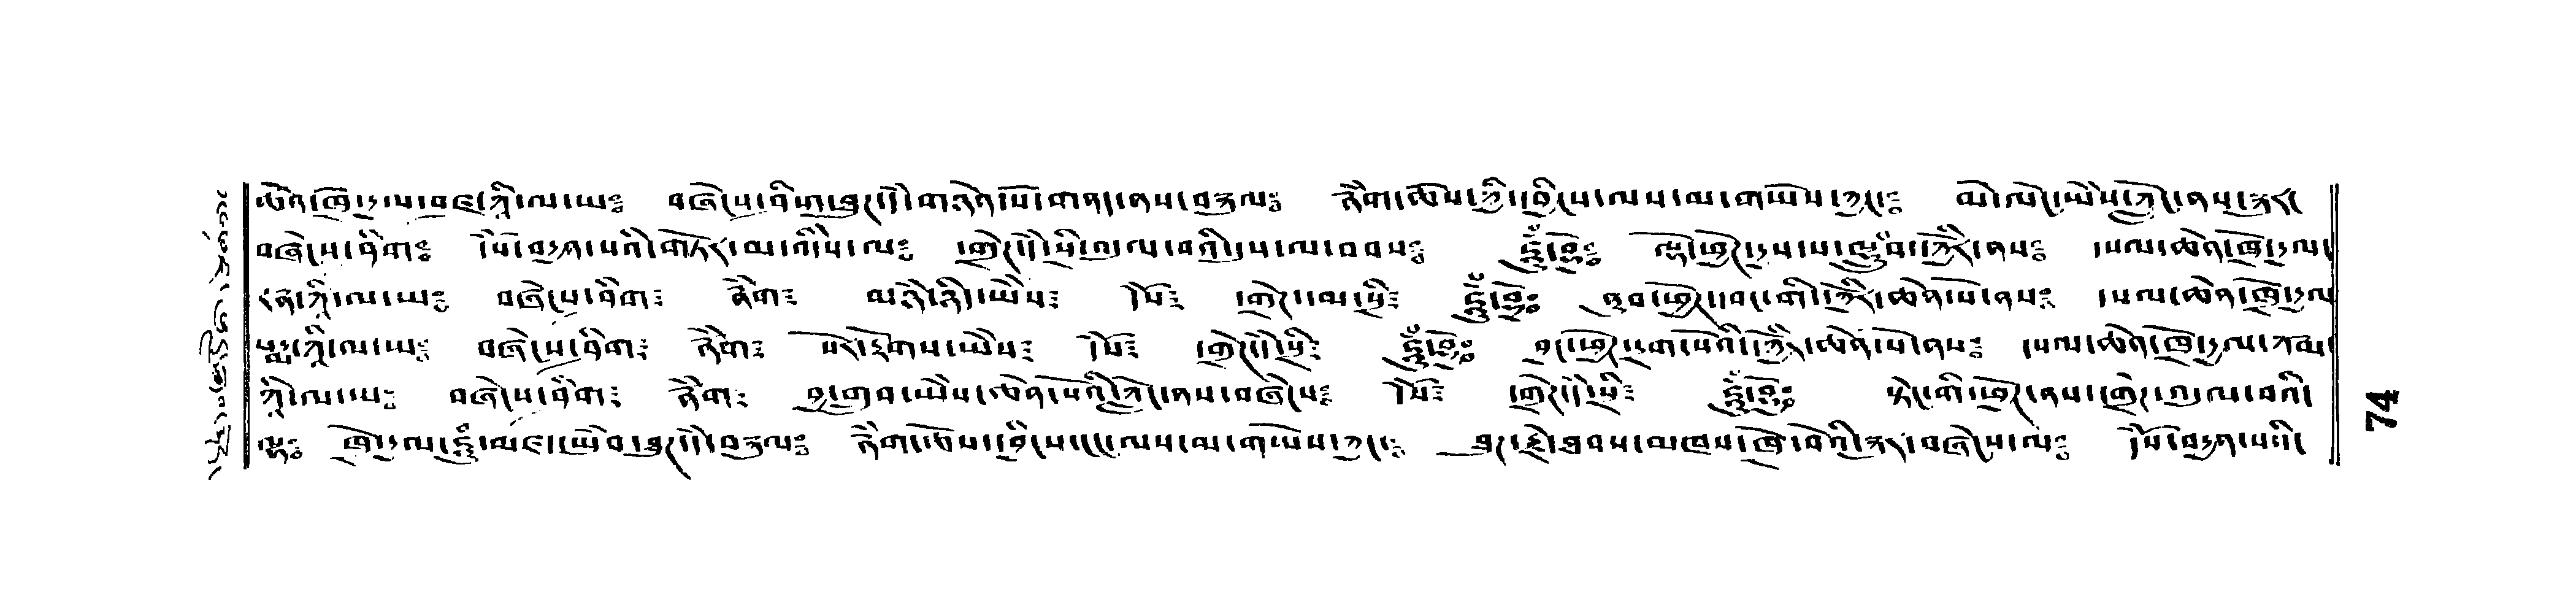ཆེན་ཁྲོ་རྒྱལ་བཛྲ་ཀཱི་ལ་ཡ༔ བཞེངས་ཤིག་ཐུགས་དམ་གཉེན་པོ་གནད་ནས་བསྐུལ༔ རྣམ་དག་ཆོས་ཀྱི་དབྱིངས་ལས་མ་གཡོས་ཀྱང༔ མེ་ལོང་ཡེ་ཤེས་ཀློང་ནས་སྐུར་
བཞེངས་ཤིག༔ དམ་རྫས་བརྒྱན་པའི་གཏོར་མ་འདི་བཞེས་ལ༔ དགྲ་བགེགས་དམ་སྲི་འདུལ་བའི་དུས་ལ་བབ༔ ཧཱུྃ་བྷྱོ༔ ལྷོ་ཕྱོགས་རྒྱས་པ་ལྷུན་གྲུབ་དཀྱིལ་འཁོར་ནས༔ དཔལ་ཆེན་ཁྲོ་རྒྱལ་
རཏྣ་ཀཱི་ལ་ཡ༔ བཞེངས་ཤིག༴ རྣམ་དག༴ མཉམ་ཉིད་ཡེ་ཤེས༴ དམ་རྫས༴ དགྲ་བགེགས་དམ་སྲི༴ ཧཱུྃ་བྷྱོ༔ ནུབ་ཕྱོགས་དབང་གི་དཀྱིལ་འཁོར་ཆེན་པོ་ནས༔ དཔལ་ཆེན་ཁྲོ་རྒྱལ་
པདྨ་ཀཱི་ལ་ཡ༔ བཞེངས་ཤིག༴ རྣམ་དག༴ སོར་རྟོགས་ཡེ་ཤེས༴ དམ་རྫས༴ དགྲ་བགེགས་དམ་སྲི༴ བྱང་ཕྱོགས་དྲག་པོའི་དཀྱིལ་འཁོར་ཆེན་པོ་ནས༔ དཔལ་ཆེན་ཁྲོ་རྒྱལ་ཀརྨ་
ཀཱི་ལ་ཡ༔ བཞེངས་ཤིག༴ རྣམ་དག༴ ཧཱུྃ་བྷྱོ༔ བྱ་གྲུབ་ཡེ་ཤེས་ཆེན་པོའི་ཀློང་ནས་བཞེངས༔ དམ་རྫས༴ དགྲ་བགེགས་དམ་སྲི༴ ཧཱུྃ་བྷྱོ༔ སྟེང་གི་ཕྱོགས་ནས་དགྲ་བགེགས་འདུལ་བའི་
ལྷ༔ ཁྲོ་རྒྱལ་ཧཱུྃ་མཛད་ཡབ་ཡུམ་ཐུགས་དམ་བསྐུལཿ རྣམ་དག་ཆོས་དབྱིངས་ངང་ལས་མ་གཡོས་ཀྱང༔ ཐུགས་རྗེ་ཐབས་མཁས་ཁྲོ་བོའི་སྐུར་བཞེངས་ལ༔ དམ་རྫས་བརྒྱན་པའི་